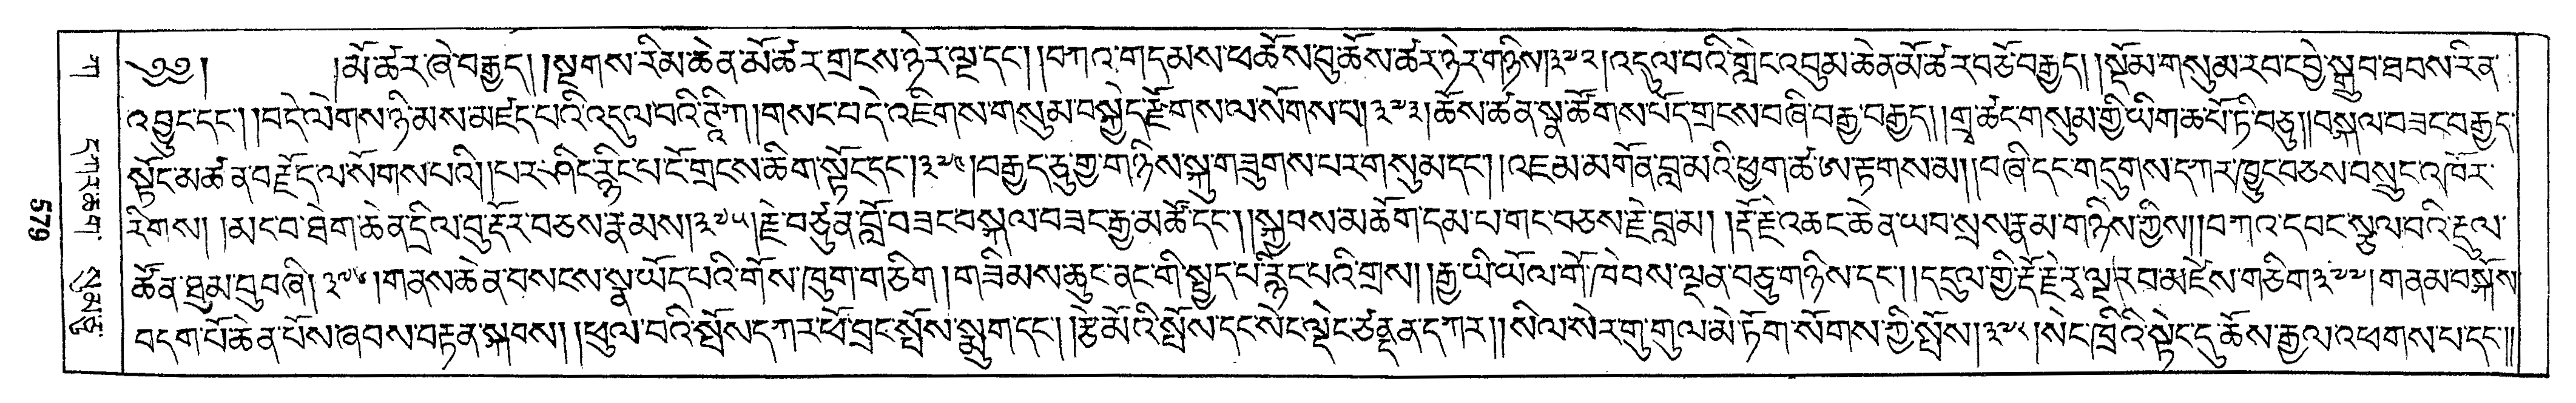༄༅། །མོ་ཚར་ཞེ་བརྒྱད། །སྔགས་རིམ་ཆེན་མོ་ཚར་གྲངས་ཉེར་ལྔ་དང་། །བཀའ་གདམས་ཕ་ཆོས་བུ་ཆོས་ཚར་ཉེར་གཉིས། ༣༧༢་།འདུལ་བའི་གླེང་འབུམ་ཆེན་མོ་ཚར་བཅོ་བརྒྱད། །སྔོ་མ་གསུམ་རབ་དབྱེ་སྒྲུབ་ཐབས་རིན་
འབྱུང་དང་། །བདེ་ལེགས་ཉི་མས་མཛད་པའི་འདུལ་བའི་ཊཱི་ཀ །གསང་བདེ་འཇིགས་གསུམ་བསྐྱེད་རྫོགས་ལ་སོགས་པ། ༣༧༣་།ཆོས་ཚན་སྣ་ཚོགས་པོད་གྲངས་བཞི་བརྒྱ་བརྒྱད། །གྲྭ་ཚང་གསུམ་གྱི་ཡིག་ཆ་པོ་ཏི་བཅུ། །བསྐལ་བཟང་བརྒྱད་
སྟོད་མཚན་བརྗོད་ལ་སོགས་པའི། །པར་ཤིང་རྙིང་པོ་ངོ་གྲངས་ཆིག་སྟོང་དང་། ༣༧༤་།བརྒྱད་ཅུ་གྱ་གཉིས་སྐུ་གཟུགས་པར་གསུམ་དང་། །འཇམ་མགོན་བླ་མའི་ཕྱག་ཚ་ཨ་རྟགས་མ། །བཞི་དང་གདུགས་དཀར་ཁྱུང་བཅས་བསྲུང་འཁོར་
རིགས། །མང་པ་ཐེག་ཆེན་དྲིལ་བུ་རྡོར་བཅས་རྣམས། ༣༧༥་།རྗེ་བཙུན་བློ་བཟང་བསྐལ་བཟང་རྒྱ་མཚོ་དང་། །སྐྱབས་མཆོག་དམ་པ་གང་བཅས་རྗེ་བླ་མ། །རྡོ་རྗེ་འཆང་ཆེན་ཡབ་སྲས་རྣམ་གཉིས་ཀྱིས། །བཀའ་དབང་སྩལ་བའི་རྡུལ་
ཚོན་ཐུམ་བུ་བཞི། ༣༧༦་།གནས་ཆེན་བསངས་སྣ་ཡོད་པའི་གོས་ཁུག་གཅིག །གཟིམས་ཆུང་ནང་གི་སྤྱད་པ་རྙིང་པའི་གྲགས། །རྒྱ་ཡི་ཡོལ་གོ་ཁེབས་ལྡན་བཅུ་གཉིས་དང་།དངུལ་གྱི་རྡོ་རྗེ་རྭ་ལྔ་རབ་མཛེས་གཅིག ༣༧༧་།གནམ་བསྐོས་
བདག་པོ་ཆེན་པོས་ཞབས་བརྟན་སྐབས། །ཕུལ་བའི་སྤོས་དཀར་ཕོ་བྲང་སྤོས་སྨུག་དང་། །རྩེ་མོའི་སྤོས་དང་སེང་ལྡེང་ཙནྡན་དཀར། །སིལ་སེར་གུ་གུ་ལ་མེ་ཏོག་སོགས་ཀྱི་སྤོས། ༣༧༨་།སེང་ཁྲིའི་སྟེང་དུ་ཆོས་རྒྱལ་འཕགས་པ་དང།།